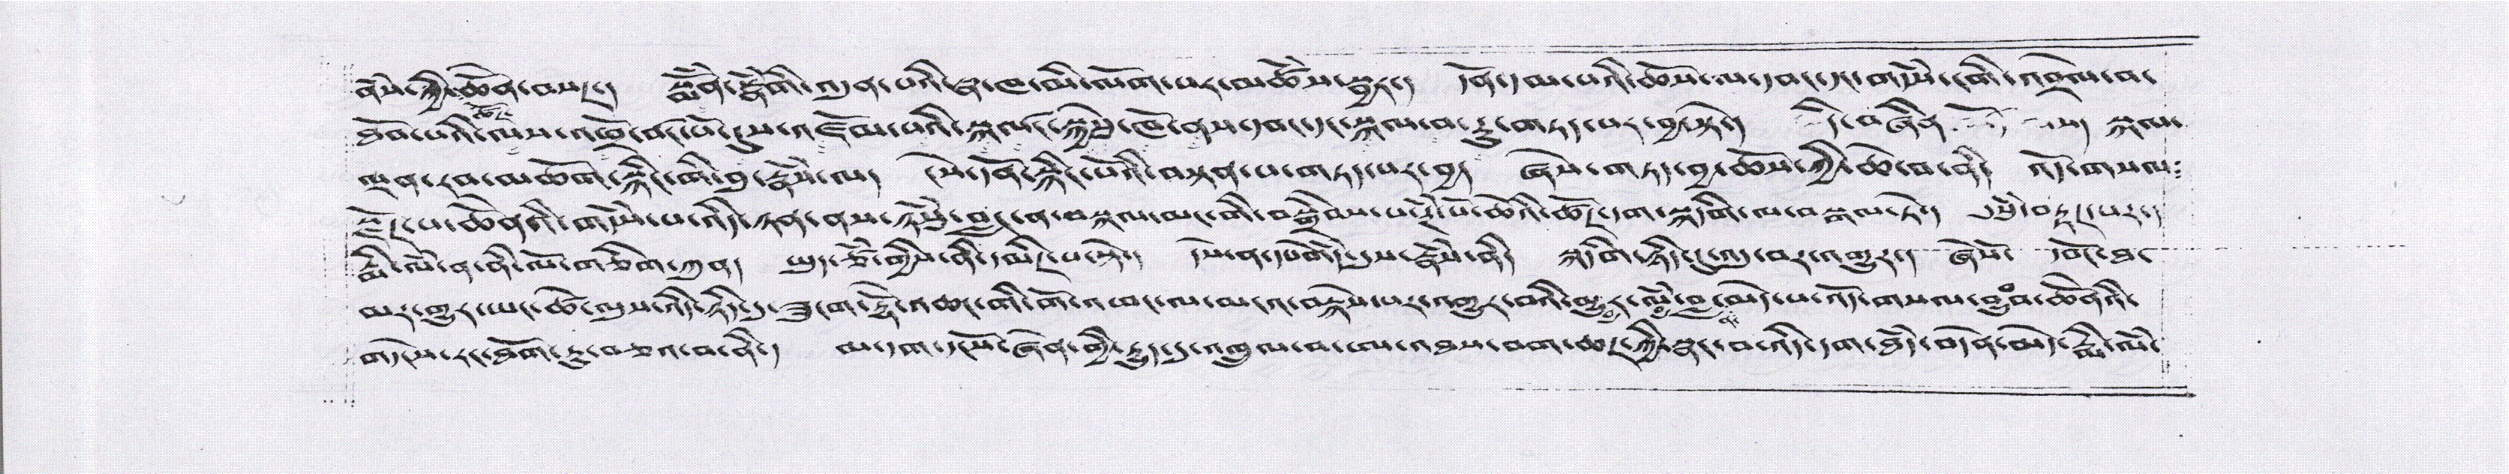ནམས་ཀྱི་ཚོགས་ཆེན་པོ་བསགས། སྨོན་ལམ་རྣམ་དག་གི་འདུན་པའི་སྣ་ཁ་མི་ལོག་པར་མཚམས་སྦྱར། དོན་དམ་པའི་ཆོས་ལ་དབང་དང་གདམས་ངག་གི་འབྲེལ་བ་
ཐོབ་པའི་ལས་འཕྲོ་བཟང་པོ་དུས་འཛོམས་པའི་སྐལ་བཟང་སྐྱེས་བུ་ཁོ་ནས་དབང་དང་སྐལ་པ་རུ་གཏད་པར་བྱ་སྟེ། ཡིད་བཞིན་མཛོད་ལས། སྐལ་
ལྡན་རབ་མཆོག་སྙིང་གི་བུ་རྣམས་ལ། ངེས་དོན་སྙིང་པོའི་བསྟན་པ་གཏད་པར་བྱ། ཞེས་གཏད་བྱ་ཆོས་ཀྱི་ཆེ་བ་ནི། འོད་གསལ་
རྫོགས་པ་ཆེན་པའི་གདམས་པ་འདི་ཉན་ནས་ཉམས་སུ་བླང་ན་བསྐལ་མང་གི་སྒྲིབ་པ་རྔམ་པོ་ཆེའི་ཚོགས་དག་སྐད་ཅིག་ལ་བརྒལ་ཏེ། དུས་གསུམ་བརྟགས་པར། 
རྨི་ལམ་ན་ནི་ལོ་གཅིག་ཀུན། ཡུད་ཙམ་གྱིས་ནི་དམིགས་པ་སྟེ། དེས་ན་དཔག་མེད་དུས་རྣམས་ནི། སྐད་ཅིག་ཉིད་དུ་འདུ་བར་འགྱུར། ཞེས་སོ། དབང་པོ་ཐ་
མར་གྱུར་ཡང་། ཚེ་ལུས་འདི་ཉིད་དུ་ཟུང་འཇུག་རྡོ་རྗེ་འཆང་གི་གོ་འཕང་ལ་མངའ་བརྙེས་པར་འགྱུར་བའི་མྱུར་ལམ་བླ་ན་མེད་པ་འོད་གསལ་བྱང་ཆུབ་ཆེན་པོའི་
གདེང་རང་ཐོག་ཏུ་བཅའ་བ་ནི། མ་དག་དངོས་ཞེན་གྱི་རྒྱུད་དུ་འཁྲུལ་པ་ཨ་འཐས་བག་ཆགས་ཀྱི་སྣང་བ་འདི་དག་ཐམས་ཅད་བདེན་མེད་རྨི་ལམ་